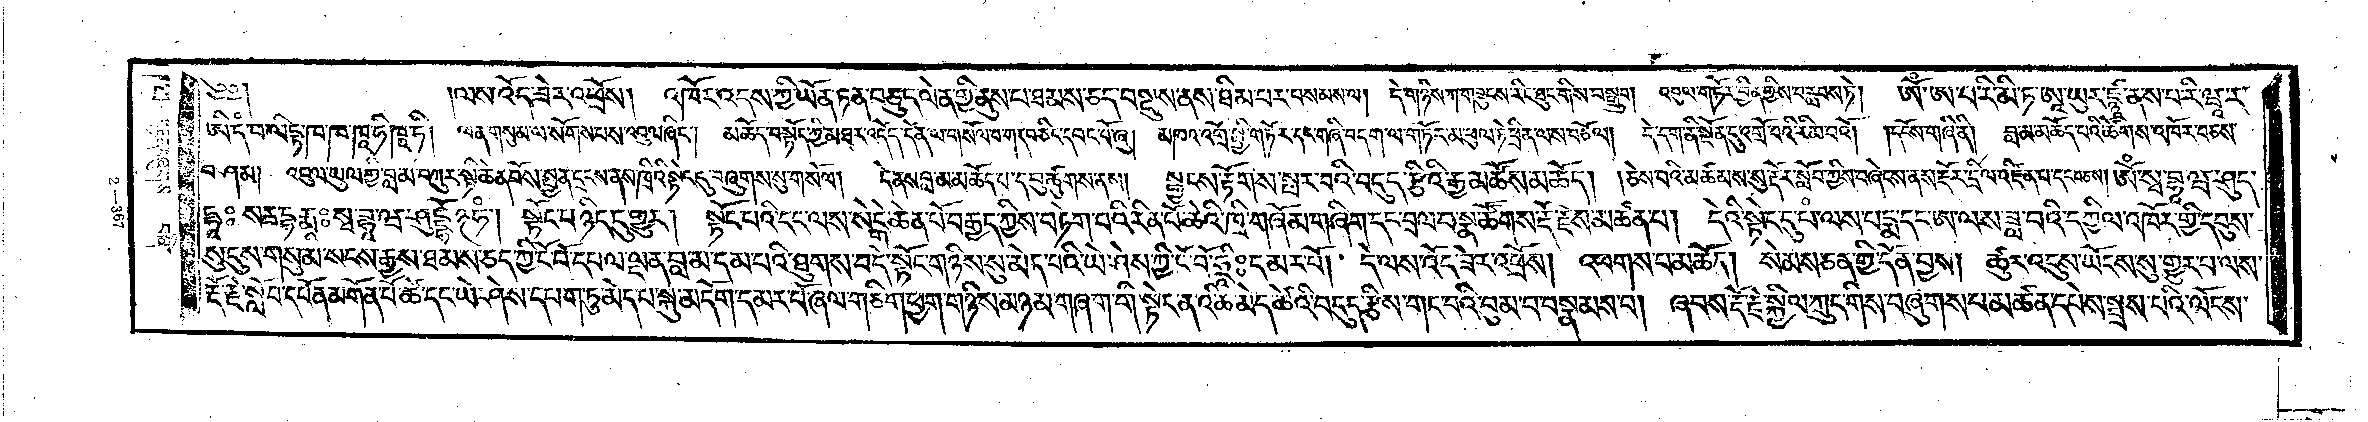༄༅། །ལས་འོད་ཟེར་འཕྲོས། འཁོར་འདས་ཀྱི་ཡོན་ཏན་བཅུད་ལེན་གྱི་ནུས་པ་ཐམས་ཅད་བསྡུས་ནས་ཐིམ་པར་བསམས་ལ། དེ་གཉིས་ཀ་གཟུངས་རིང་ཐུང་གིས་བསྒྲུབ། འབུལ་གཏོར་བྱིན་གྱིས་བརླབས་ཏེ།  ཨོཾ་ཨ་པ་རི་མི་ཏ་ཨཱ་ཡུར་ཛྙཱ་ནས་པ་རི་ཝཱ་ར་
ཨི་དཾ་བ་ལིདྟ་ཁ་ཁ་ཁཱ་ཧི་ཁཱ་ཏི། ལན་གསུམ་ལ་སོགས་པས་འབུལ་ཞིང་། མཆོད་བསྟོད་ཀྱི་མཐར་འདོད་དོན་ལ་གསོལ་བ་གདབ་ཅིང་དབང་པོ་ཞུ། མཁའ་འགྲོ་སྤྱི་གཏོར་དང་གཞི་བདག་ལ་གཏོར་མ་ཕུལ་ཏེ་ཕྲིན་ལས་བཙོལ། དེ་དག་ནི་སྔོན་དུ་འགྲོ་བའི་རིམ་པའོ། །དངོས་གཞི་ནི། བླ་མ་མཆོད་པའི་ཚེགས་འཁོར་བཅས་
བཤམ། འབུལ་ཡུལ་གྱི་བླ་མ་བཀུར་སྟི་ཆེན་བོས་སྤྱན་དྲངས་ནས་ཁྲིའི་སྟེང་དུ་བཞུགས་སུ་གསོལ། དེ་ནས་བླ་མ་མཆོད་པ་དབུ་ཚུགས་ནས། སྦྱངས་རྟོགས་སྤར་བའི་བདུད་རྩིའི་རྒྱ་མཚོས་མཆོད། །ཅེས་བའི་མཚམས་སུ་རྡོར་སློབ་ཀྱིས་བཞེངས་ནས་རྡོར་དྲིལ་འཛིན་པ་དང་བཅས།  ཨོཾ་སྭ་བྷཱ་ཝ་ཤུད་
དྷཱཿསརྦ་དྷརྨཱཿསྭ་བྷཱ་ཝ་ཤུདྡྷོ་ཉྷཾ། སྟོང་པ་ཉིད་དུ་གྱུར། སྟོང་པའི་ངང་ལས་སེངྒེ་ཆེན་པོ་བརྒྱད་ཀྱིས་བཏེག་པའི་རིན་པོ་ཆེའི་ཁྲི་གཞོམ་གཞིག་དང་བྲལ་བ་སྣ་ཚོགས་རྡོ་རྗེས་མཚན་པ། དེའི་སྟེང་དུ་པཾ་ལས་པདམ་དང་ཨ་ལས་ཟླ་བའི་དཀྱིལ་འཁོར་གྱི་དབུས་
སུ་དུས་གསུམ་སངས་རྒྱས་ཐམས་ཅད་ཀྱི་ངོ་བོ་དཔལ་ལྡན་བླ་མ་དམ་པའི་ཐུགས་བདེ་སྟོང་གཉིས་སུ་མེད་པའི་ཡེ་ཤེས་ཀྱི་ངོ་བོ་ཧྲཱིཿདམར་པོ། དེ་ལས་འོད་ཟེར་འཕྲོས། འཕགས་པ་མཆོད། སེམས་ཅན་གྱི་དོན་བྱས། ཚུར་འདུས་ཡོངས་སུ་གྱུར་པ་ལས་
རྡོ་རྗེ་སློབ་དཔོན་མགོན་པོ་ཚེ་དང་ཡེ་ཤེས་དཔག་ཏུ་མེད་པ་སྐུ་མདོག་དམར་པོ་ཞལ་གཅིག་ཕྱག་གཉིས་མཉམ་གཞག་གི་སྟེང་ན་འཆི་མེད་ཚེའི་བདུད་རྩིས་གང་བའི་བུམ་པ་བསྣམས་པ། ཞབས་རྡོ་རྗེ་སྐྱིལ་ཀྲུང་གིས་བཞུགས་པ་མཚན་དཔེས་སྦྲས་པའི་ལོངས་